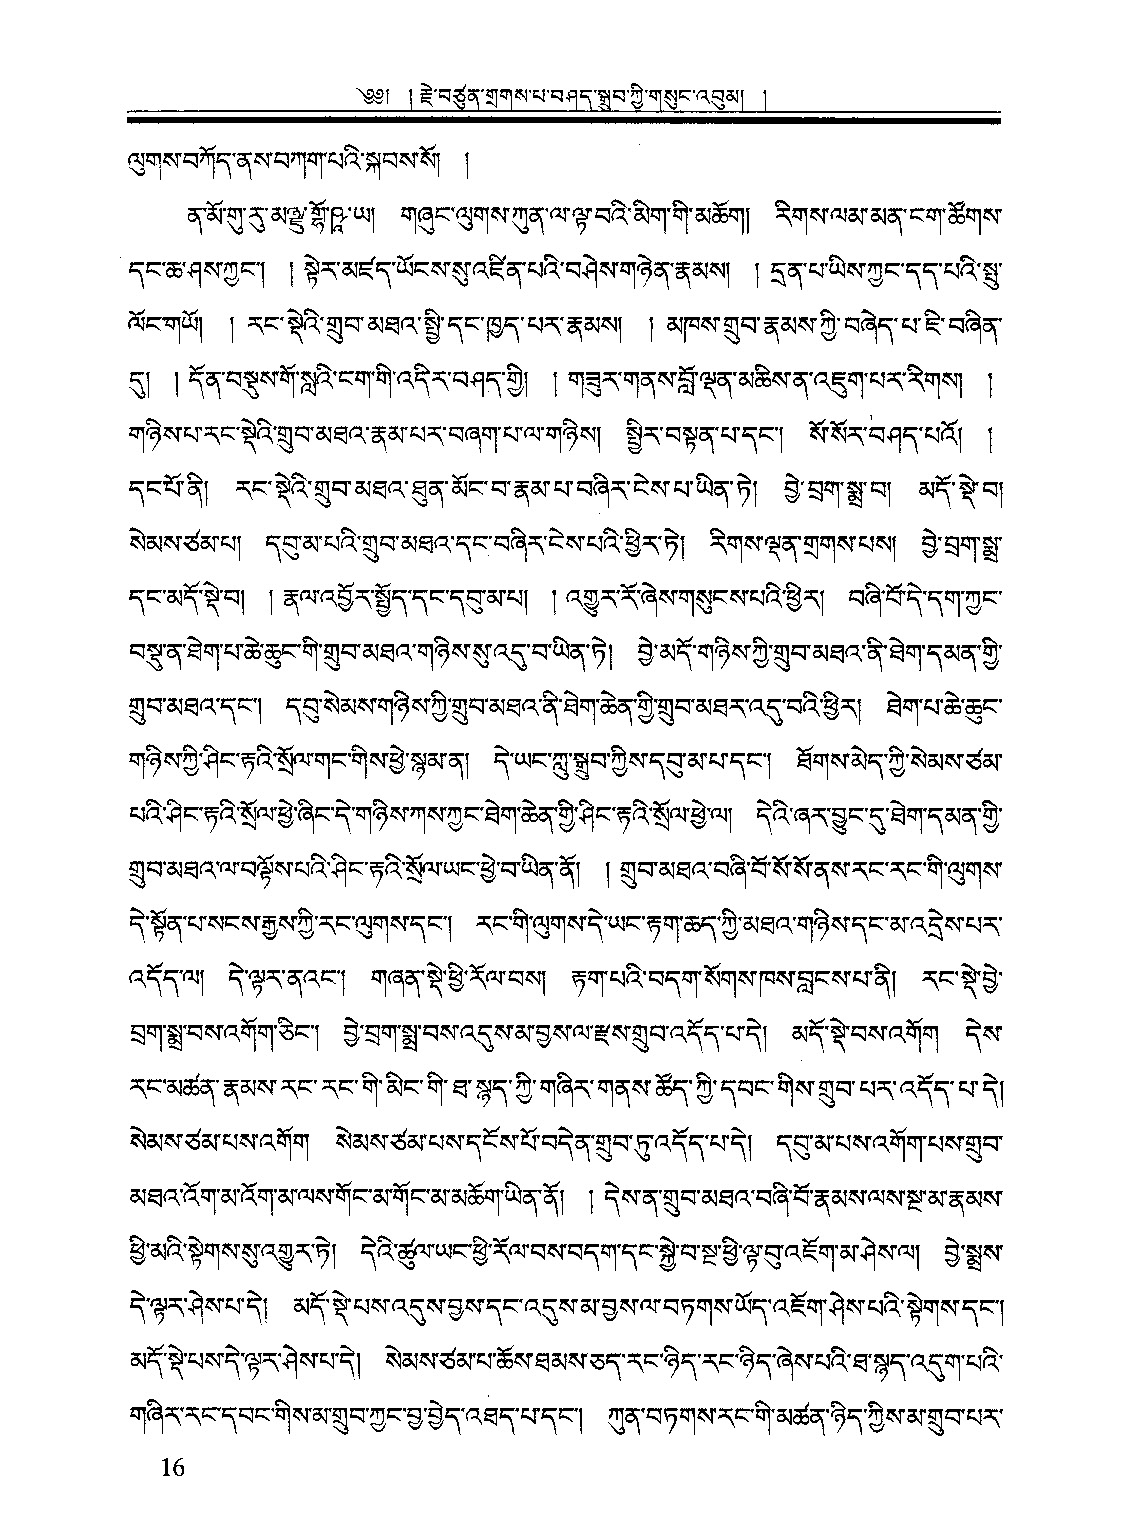ལུགས་བཀོད་ནས་བཀག་པའི་སྐབས་སོ། །
ན་མོ་གུ་རུ་མཉྫུ་གྷོ་ཥཱ་ཡ། གཞུང་ལུགས་ཀུན་ལ་ལྟ་བའི་མིག་གི་མཆོག། རིགས་ལམ་མན་ངག་ཚོགས་
དང་ཆ་ཤས་ཀྱང་། །སྟེར་མཛད་ཡོངས་སུ་འཛིན་པའི་བཤེས་གཉེན་རྣམས། །དྲན་པ་ཡིས་ཀྱང་དད་པའི་སྤུ་
ལོང་གཡོ། །རང་སྡེའི་གྲུབ་མཐའ་སྤྱི་དང་ཁྱད་པར་རྣམས། །མཁས་གྲུབ་རྣམས་ཀྱི་བཞེད་པ་ཇི་བཞིན་
དུ། །དོན་བསྡུས་གོ་སླའི་ངག་གི་འདིར་བཤད་གྱི། །གཟུར་གནས་བློ་ལྡན་མཆིས་ན་འཇུག་པར་རིགས། །
གཉིས་པ་རང་སྡེའི་གྲུབ་མཐའ་རྣམ་པར་བཞག་པ་ལ་གཉིས། སྤྱིར་བསྟན་པ་དང་། སོ་སོར་བཤད་པའོ། །
དང་པོ་ནི། རང་སྡེའི་གྲུབ་མཐའ་ཐུན་མོང་བ་རྣམ་པ་བཞིར་ངེས་པ་ཡིན་ཏེ། བྱེ་བྲག་སྨྲ་བ། མདོ་སྡེ་བ།
སེམས་ཙམ་པ། དབུ་མ་པའི་གྲུབ་མཐའ་དང་བཞིར་ངེས་པའི་ཕྱིར་ཏེ། རིགས་ལྡན་གྲགས་པས། བྱེ་བྲག་སྨྲ་
དང་མདོ་སྡེ་བ། །རྣལ་འབྱོར་སྤྱོད་དང་དབུ་མ་པ། །འགྱུར་རོ་ཞེས་གསུངས་པའི་ཕྱིར། བཞི་བོ་དེ་དག་ཀྱང་
བསྡུ་ན་ཐེག་པ་ཆེ་ཆུང་གི་གྲུབ་མཐའ་གཉིས་སུ་འདུ་བ་ཡིན་ཏེ། བྱེ་མདོ་གཉིས་ཀྱི་གྲུབ་མཐའ་ནི་ཐེག་དམན་གྱི་
གྲུབ་མཐའ་དང་། དབུ་སེམས་གཉིས་ཀྱི་གྲུབ་མཐའ་ནི་ཐེག་ཆེན་གྱི་གྲུབ་མཐར་འདུ་བའི་ཕྱིར། ཐེག་པ་ཆེ་ཆུང་
གཉིས་ཀྱི་ཤིང་རྟའི་སྲོལ་གང་གིས་ཕྱེ་སྙམ་ན། དེ་ཡང་ཀླུ་སྒྲུབ་ཀྱིས་དབུ་མ་པ་དང་། ཐོགས་མེད་ཀྱི་སེམས་ཙམ་
པའི་ཤིང་རྟའི་སྲོལ་ཕྱེ་ཞིང་དེ་གཉིས་ཀས་ཀྱང་ཐེག་ཆེན་གྱི་ཤིང་རྟའི་སྲོལ་ཕྱེ་ལ། དེའི་ཞར་བྱུང་དུ་ཐེག་དམན་གྱི་
གྲུབ་མཐའ་ལ་བལྟོས་པའི་ཤིང་རྟའི་སྲོལ་ཡང་ཕྱེ་བ་ཡིན་ནོ། །གྲུབ་མཐའ་བཞི་བོ་སོ་སོ་ནས་རང་རང་གི་ལུགས་
དེ་སྟོན་པ་སངས་རྒྱས་ཀྱི་རང་ལུགས་དང་། རང་གི་ལུགས་དེ་ཡང་རྟག་ཆད་ཀྱི་མཐའ་གཉིས་དང་མ་འདྲེས་པར་
འདོད་ལ། དེ་ལྟར་ནའང་། གཞན་སྡེ་ཕྱི་རོལ་བས། རྟག་པའི་བདག་སོགས་ཁས་བླངས་པ་ནི། རང་སྡེ་བྱེ་
བྲག་སྨྲ་བས་འགོག་ཅིང་། བྱེ་བྲག་སྨྲ་བས་འདུས་མ་བྱས་ལ་རྫས་གྲུབ་འདོད་པ་དེ། མདོ་སྡེ་བས་འགོག་དེས་
རང་མཚན་རྣམས་རང་རང་གི་མིང་གི་ཐ་སྙད་ཀྱི་གཞིར་གནས་ཚོད་ཀྱི་དབང་གིས་གྲུབ་པར་འདོད་པ་དེ།
སེམས་ཙམ་པས་འགོག་སེམས་ཙམ་པས་དངོས་པོ་བདེན་གྲུབ་ཏུ་འདོད་པ་དེ། དབུ་མ་པས་འགོག་པས་གྲུབ་
མཐའ་འོག་མ་འོག་མ་ལས་གོང་མ་གོང་མ་མཆོག་ཡིན་ནོ། །དེས་ན་གྲུབ་མཐའ་བཞི་བོ་རྣམས་ལས་སྔ་མ་རྣམས་
ཕྱི་མའི་སྟེགས་སུ་འགྱུར་ཏེ། དེའི་ཚུལ་ཡང་ཕྱི་རོལ་བས་བདག་དང་སྐྱེ་བ་སྔ་ཕྱི་ལྟ་བུ་འཇོག་མ་ཤེས་ལ། བྱེ་སྨྲས་
དེ་ལྟར་ཤེས་པ་དེ། མདོ་སྡེ་པས་འདུས་བྱས་དང་འདུས་མ་བྱས་ལ་བཏགས་ཡོད་འཇོག་ཤེས་པའི་སྟེགས་དང་།
མདོ་སྡེ་པས་དེ་ལྟར་ཤེས་པ་དེ། སེམས་ཙམ་པ་ཆོས་ཐམས་ཅད་རང་ཉིད་རང་ཉིད་ཞེས་པའི་ཐ་སྙད་འདུག་པའི་
གཞིར་རང་དབང་གིས་མ་གྲུབ་ཀྱང་བྱ་བྱེད་འཐད་པ་དང་། ཀུན་བཏགས་རང་གི་མཚན་ཉིད་ཀྱིས་མ་གྲུབ་པར་